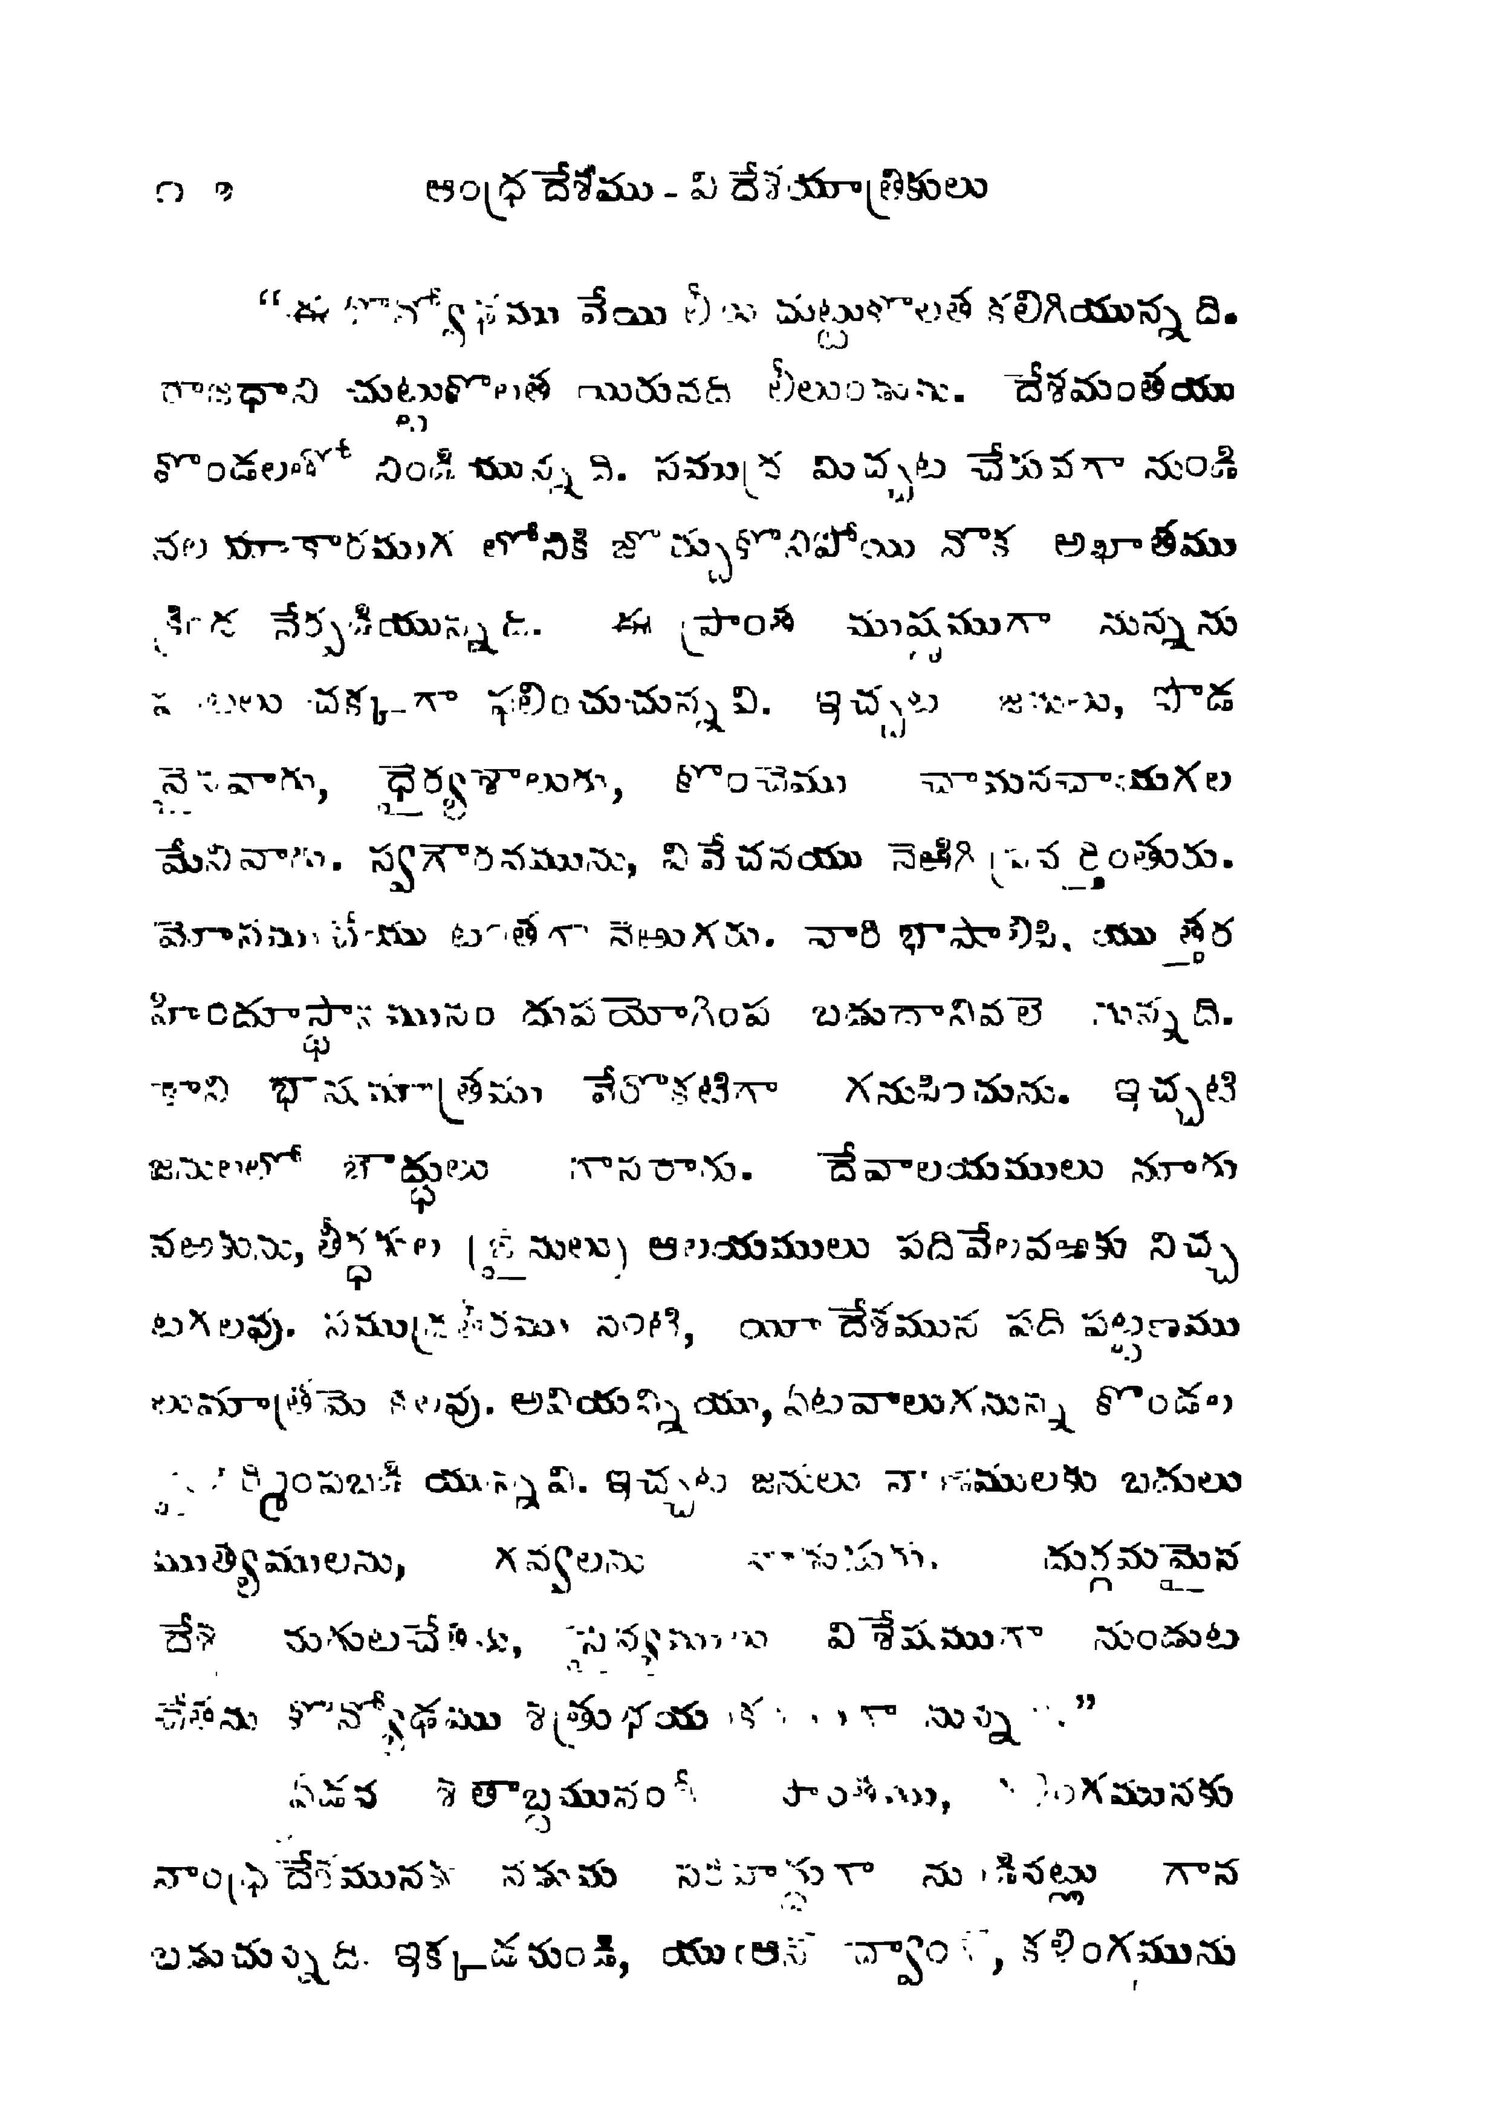"ఈ కొన్యోఢము వేయిలీలు చుట్టుకొలత కలిగియున్నది. రాజధాని చుట్టుకొలత యిరువది లీలుండును. దేశమంతయు కొండలతో నిండియున్నది. సముద్రమిచ్చట చేరువగా నుండి వలయాకారముగ లోనికి జొచ్చుకొనిపోయి నొక అఖాతము క్రింద నేర్పడియున్నది. ఈ ప్రాంత ముష్ణముగా నున్నను పంటలు చక్కగా ఫలించుచున్నవి. ఇచ్చట జనులు, పొడవైనవారు, ధైర్యశాలురు, కొంచెము చామాన ఛాయగల మేనివారు. స్వగౌరవమును, వివేచనయు నెఱగి ప్రవర్తింతురు. మోసము చేయుటంతగా నెఱుగరు. వారి భాషాలిపి, యుత్తర హిందూస్థానమునం దుపయోగింప బడుదానివలె నున్నది. కాని భాషామాత్రము వేరొకటిగా గనుపించును. ఇచ్చటి జనులలో బౌద్ధులు గానరారు. దేవాలయములు నూరువఱకును, తీర్థకుల (జైనులు) ఆలయములు పదివేల వఱకు నిచ్చట గలవు. సముద్రతీరమునంటి యిాదేశమున పదిపట్టణములు మాత్రమే గలవు. అవియన్నియు, ఏటవాలుగనున్న కొండలపై నిర్మింపబడియున్నవి. ఇచ్చట జనులు నాణెములకు బదులు ముత్యములను, గవ్వలను వాడుదురు. దుర్గమమైన దేశమగుటచేతను, సైన్యములు విశేషముగ నుండుట చేతను కొన్యోఢము శత్రుభయంకరముగా నున్నది".

ఏడవ శతాబ్ధమునందీ ప్రాంతము కళింగమునకు నాంధ్రదేశమునకు మడుమ సరిహాద్ధుగా నుండినట్లు గానబడు చున్నది. ఇక్కడనుండి, యుఁఆన్‌ చ్వాంగ్, కళింగమును